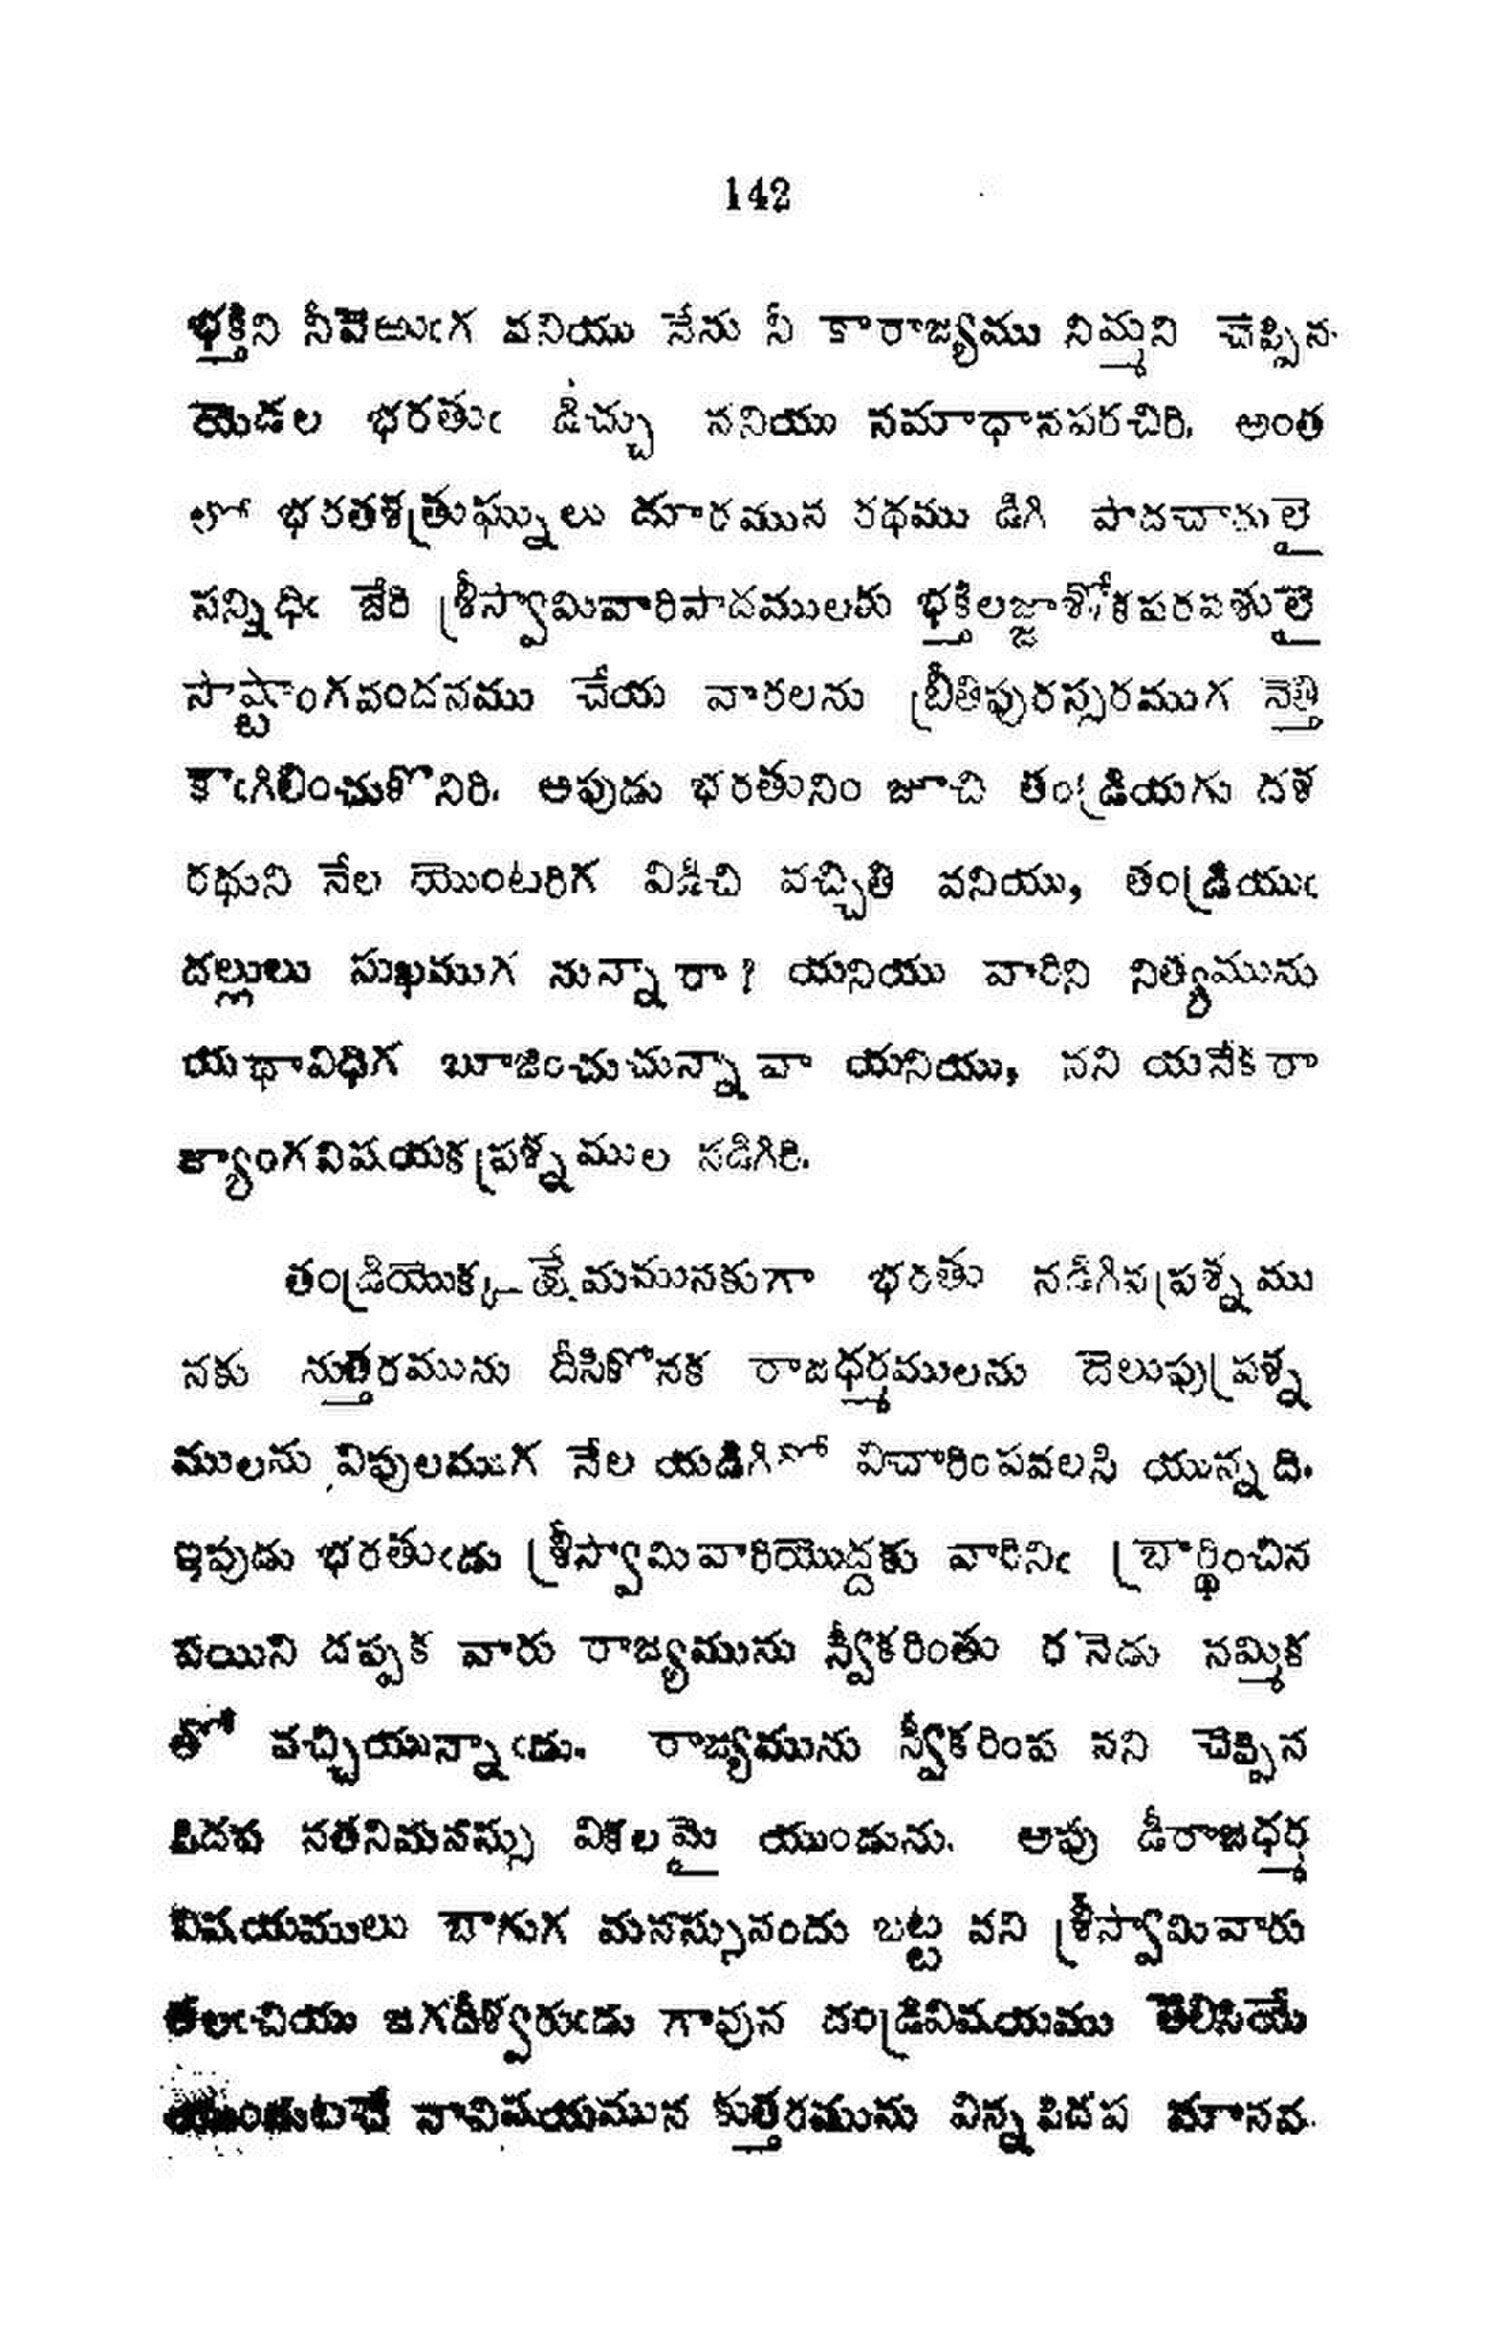భక్తిని నీవెఱుఁగ వనియు నేను నీ కారాజ్యము నిమ్మని చెప్పినయెడల భరతుఁ డిచ్చు ననియు సమాధానపరచిరి. అంతలో భరతశత్రుఘ్నులు దూరమున రథము డిగి పాదచారులై సన్నిథిఁ జేరి శ్రీస్వామివారిపాదములకు భక్తిలజ్జాశోకపరవశులై సాష్టాంగవందనము చేయ వారలను బ్రీతిపురస్సరముగ నెత్తి కౌఁగిలించుకొనిరి. అపుడు భరతునిం జూచి తండ్రియగు దశరథుని నేల యొంటరిగ విడిచి వచ్చితి వనియు, తండ్రియుఁ దల్లులు సుఖముగ సున్నారా ! యనియు వారిని నిత్యమును యథావిధిగ బూజించుచున్నావా యనియు, నని యనేక రాజ్యాంగవిషయకప్రశ్నముల సడిగిరి.

తండ్రియొక్క క్షేమమునకుగా భరతు నడిగినప్రశ్నమునకు నుత్తరమును దీసికొనక రాజధర్మములను దెలుపుప్రశ్నములను విపులముగ నేల యడిగిరో విచారింపవలసి యున్నది. ఇవుడు భరతుఁడు శ్రీస్వామివారియొద్దకు వారినిఁ బ్రార్థించిన పయిని దప్పక వారు రాజ్యమును స్వీకరింతు రనెడు నమ్మికతో వచ్చియున్నాఁడు. రాజ్యమును స్వీకరింప నని చెప్పిన పిదప నతనిమనస్సు వికలమై యుండును. అపు డీరాజధర్మ విషయములు బాగుగ మనస్సునందు బట్ట వని శ్రీస్వామివారు
తలఁచియు జగదీశ్వరుఁడు గావున దండ్రివిషయము తెలిసియే యుండుటచే నావిషయమున కుత్తరమును విన్న పిదప మానవ